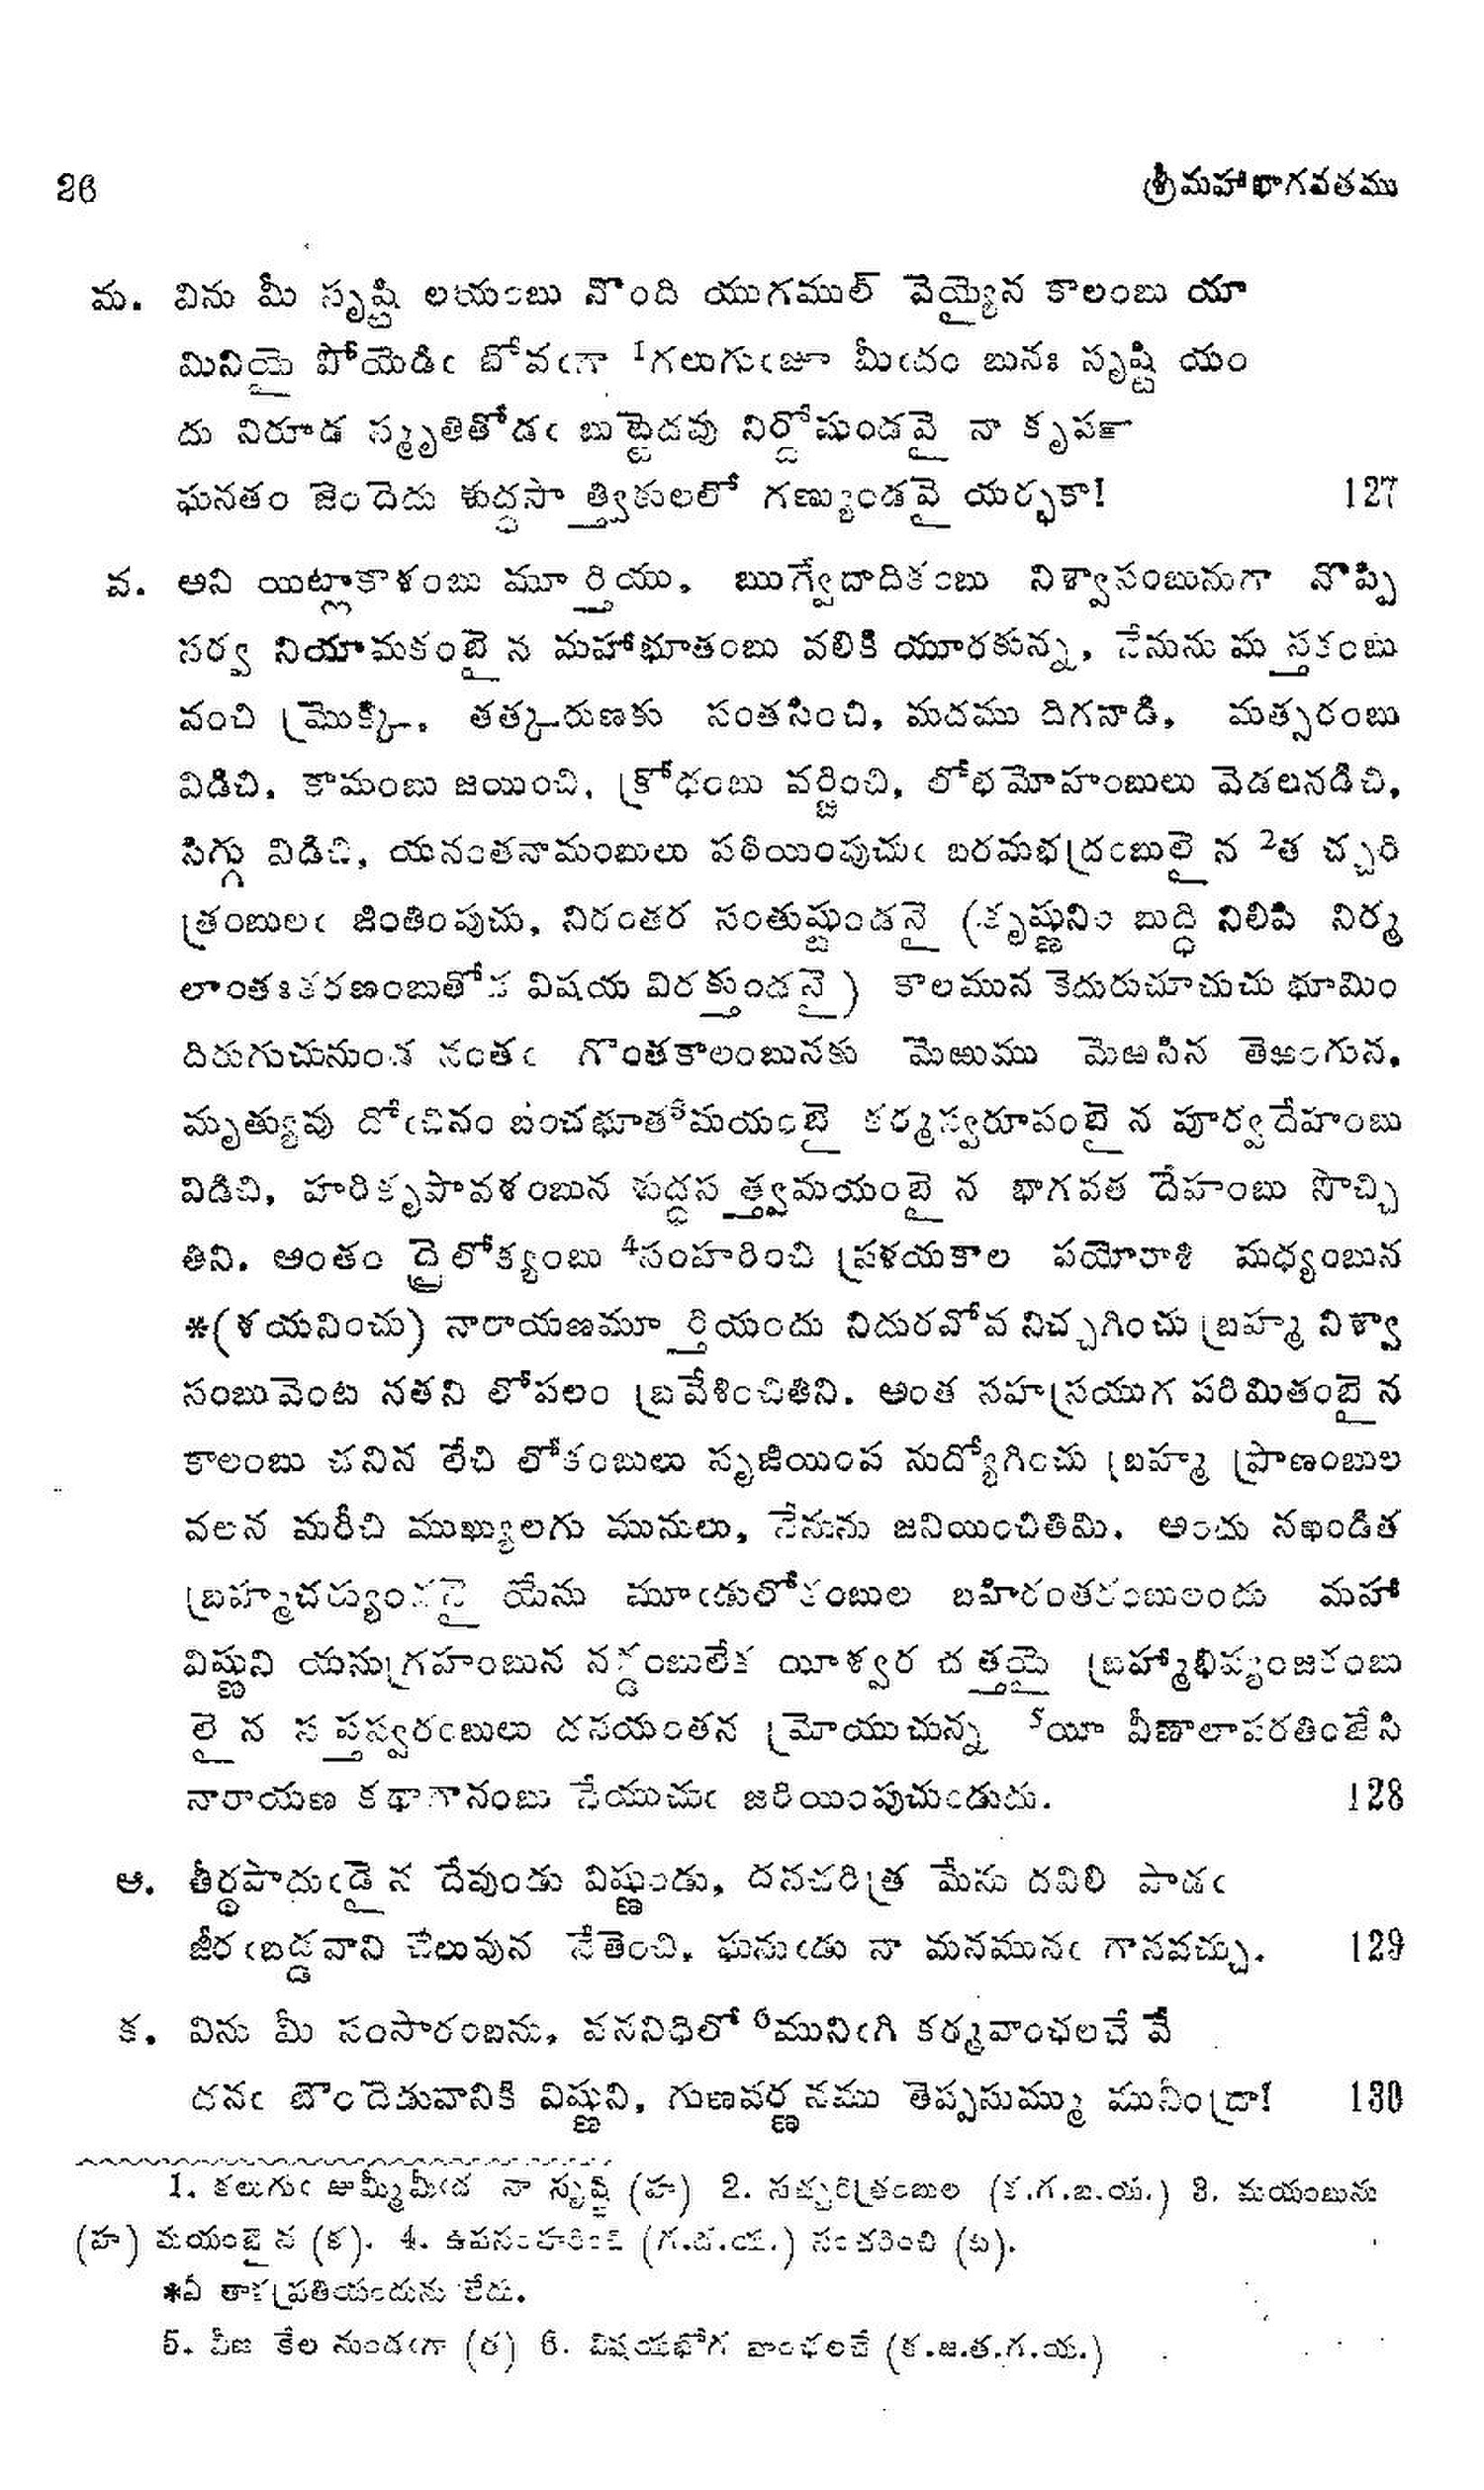26

మ. వినుమీ సృష్టి లయంబు నొంది యుగముల్ వెయ్యైన కాలంబు యా

మినియై పోయెడిఁ బోవఁగాఁ గలుగుఁ జూ మీఁదం బున: సృష్టి యం

దు నిరూఢ స్మృతితోడఁ బుట్టెదవు నిర్దోషుండవై నా కృపన్

ఘనతం జెందెదు శుద్ధ సాత్త్వికులలో గణ్యుండవై యర్భకా ! (1-127)

వ. అని యిట్లాకాశంబు మూర్తియు, ఋగ్వేదాదికంబు ని:శ్వాసంబునుగా నొప్పి సర్వ నియామకంబైన మహాభూతంబు వలికి యూరకున్న, నేనును మస్తకంబు వంచి మ్రొక్కి, తత్‌కరుణకు సంతసించి, మదంబు దిగనాడి, మత్సరంబు విడిచి, కామంబు జయించి, క్రోధంబు వర్జించి, లోభమోహంబులు వెడలనడిచి, సిగ్గు విడిచి, యనంత నామంబులు పఠియింపుచుఁ బరమభద్రంబులైన తచ్చరిత్రంబులఁ జింతింపుచు, నిరంతర సంతుష్టుండనై (కృష్ణుని బుద్ధి నిలిపి నిర్మలాంత:కరణంబు తోడ విషయ విరక్తుండనై) కాలమున కెదురుసూచుచు, భూమిం దిరుగుచు నుండ నంతఁ గొంత కాలంబునకు మెఱుము మెఱసిన తెఱంగున మృత్యువు తోఁచినం బంచభూతమయంబై కర్మస్వరూపంబైన పూర్వదేహంబు విడిచి, హరికృపావశంబున శుద్ధసత్త్వమయంబైన భాగవత దేహంబు సొచ్చితిని. అంతం ద్రైలోక్యంబు సంహరించి ప్రళయకాల పయోరాశి మధ్యంబున (శయనించు) నారాయణమూర్తియందు నిదురవోవ నిచ్చగించు బ్రహ్మని:శ్వాసంబు వెంట నతని లోపలం బ్రవేశించితిని. అంత సహస్రయుగ పరిమితంబైన కాలంబు చనిన లేచి లోకంబులు సృజియింప నుద్యోగించు బ్రహ్మ ప్రాణంబుల వలన మరీచిముఖ్యులగు మునులు, నేనును జనియించితిమి. అందు నఖండిత బ్రహ్మచర్యుండనై యేను మూఁడు లోకంబుల బహిరంతరంబులయందు మహావిష్ణుని యనిగ్రహంబున నడ్డంబు లేక యీశ్వరదత్తయై బ్రహ్మాభిరంజకంబులైన సప్తస్వరంబులును దమయంతన మ్రోయుచున్న యీ వీణాలాప రతిం జేసి నారాయణ కథాగానంబు సేయుచుఁ జరియింపుచుండుదు. (1-128)

ఆ.వె. తీర్థపాదుఁడైన దేవుండు విష్ణుండు, తన చరిత్ర మేను దవిలి పాడఁ

జీరఁబడ్డవాని చెలువున నేతెంచి, ఘనుఁడు నా మనమునఁ గానవచ్చు.(1-129)

కం. వినుమీ సంసారంబను, వననిధిలో మునిఁగి కర్మవాంఛలచే వే

దనఁ బొందెడువానికి వి, ష్ణుని గుణవర్ణనము తెప్ప సుమ్ము మునీంద్రా ! (1-130)